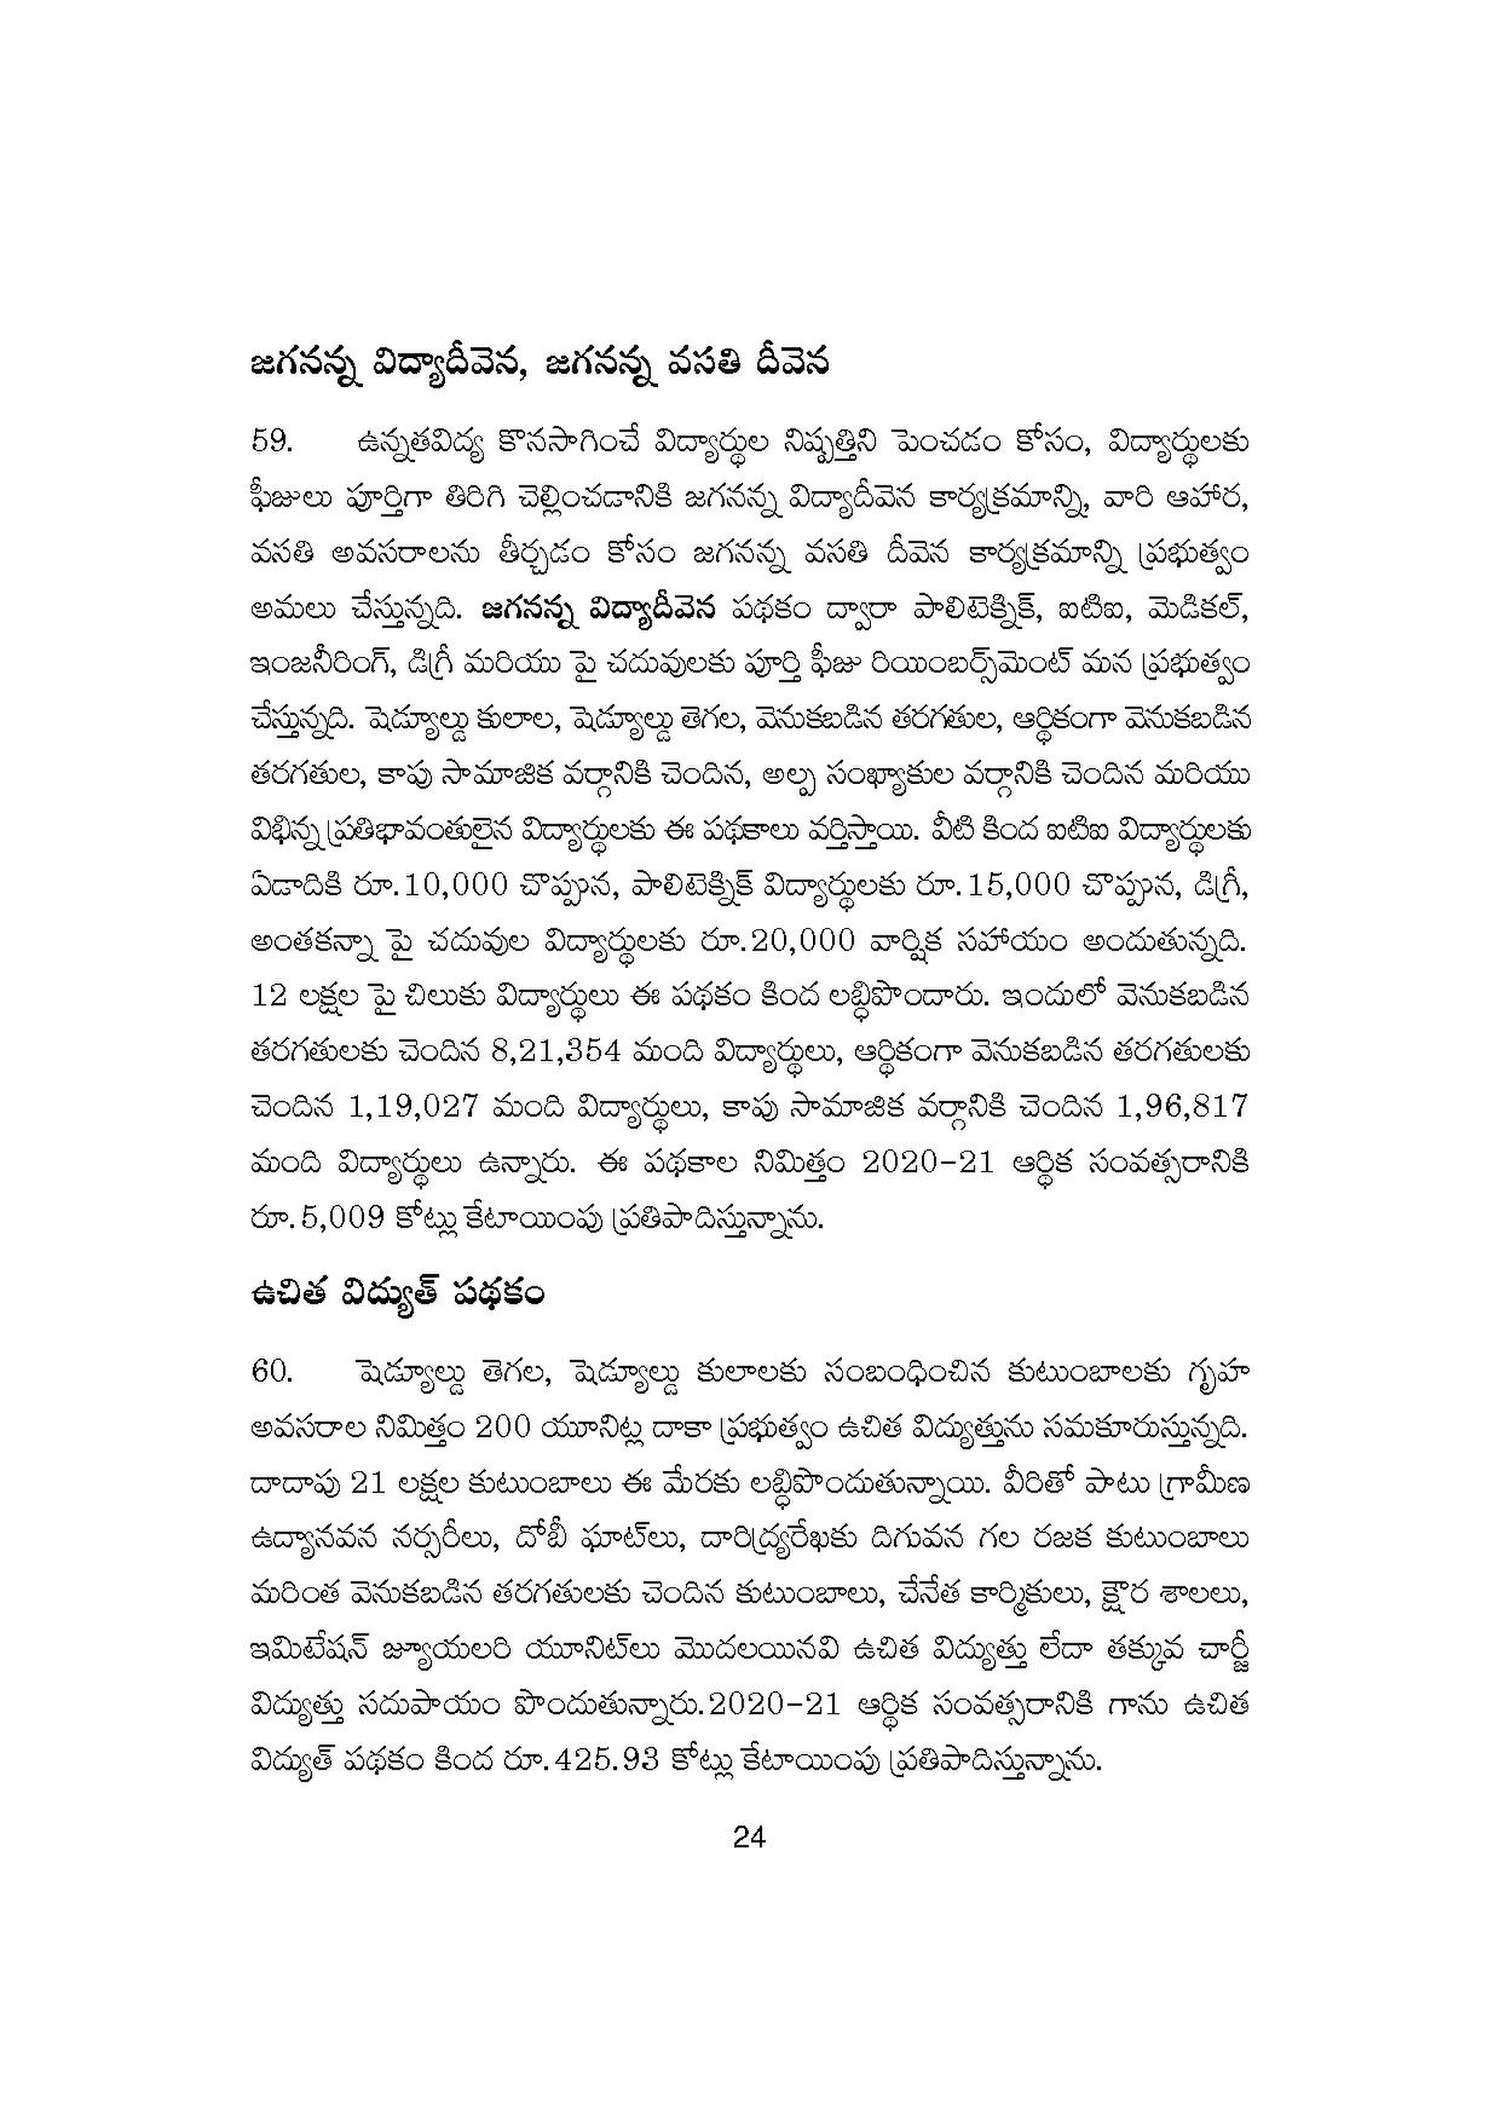జగనన్న విద్యాదీవెన, జగనన్న వసతి దీవెన

59. ఉన్నత విద్య కొనసాగించే విద్యార్థుల నిష్పత్తిని పెంచడం కోసం, విద్యార్థులకు ఫీజులు పూర్తిగా తిరిగి చెల్లించడానికి జగనన్న విద్యాదీవెన కార్యక్రమాన్ని, వారి ఆహార, వసతి అవసరాలను తీర్చడం కోసం జగనన్న వసతి దీవెన కార్యక్రమాన్ని ప్రభుత్వం అమలు చేస్తున్నది. జగనన్న విద్యాదీవెన పథకం ద్వారా పాలిటెక్నిక్, ఐటిఐ, మెడికల్, ఇంజనీరింగ్, డిగ్రీ మరియు పై చదువులకు పూర్తి ఫీజు రియింబర్స్ మెంట్ మన ప్రభుత్వం చేస్తున్నది. షెడ్యూల్డు కులాల, షెడ్యూల్డు తెగల, వెనుకబడిన తరగతుల, ఆర్థికంగా వెనుకబడిన తరగతుల, కాపు సామాజిక వర్గానికి చెందిన, అల్ప సంఖ్యాకుల వర్గానికి చెందిన మరియు విభిన్న ప్రతిభావంతులైన విద్యార్థులకు ఈ పథకాలు వర్తిస్తాయి. వీటి కింద ఐటిఐ విద్యార్థులకు ఏడాదికి రూ.10,000 చొప్పున, పాలిటెక్నిక్ విద్యార్థులకు రూ.15,000 చొప్పున, డిగ్రీ, అంతకన్నా పై చదువుల విద్యార్థులకు రూ.20,000 వార్షిక సహాయం అందుతున్నది. 12 లక్షల పై చిలుకు విద్యార్థులు ఈ పథకం కింద లబ్ది పొందారు. ఇందులో వెనుకబడిన తరగతులకు చెందిన 8,21,354 మంది విద్యార్థులు, ఆర్థికంగా వెనుకబడిన తరగతులకు చెందిన 1,19,027 మంది విద్యార్థులు, కాపు సామాజిక వర్గానికి చెందిన 1,96,817 మంది విద్యార్థులు ఉన్నారు. ఈ పథకాల నిమిత్తం 2020-21 ఆర్థిక సంవత్సరానికి రూ. 5,009 కోట్లు కేటాయింపు ప్రతిపాదిస్తున్నాను. 

ఉచిత విద్యుత్ పథకం

60. షెడ్యూల్డు తెగల, షెడ్యూల్డు కులాలకు సంబంధించిన కుటుంబాలకు గృహ అవసరాల నిమిత్తం 200 యూనిట్ల దాకా ప్రభుత్వం ఉచిత విద్యుత్తును సమకూరుస్తున్నది. దాదాపు 21 లక్షల కుటుంబాలు ఈ మేరకు లబ్ది పొందుతున్నాయి. వీరితో పాటు గ్రామీణ ఉద్యానవన నర్సరీలు,
దోబీ ఘాట్లు, దారిద్ర్యరేఖకు దిగువన గల రజక కుటుంబాలు మరింత వెనుకబడిన తరగతులకు చెందిన కుటుంబాలు, చేనేత కార్మికులు, క్షార శాలలు, ఇమిటేషన్ జ్యూయలరి యూనిట్లు మొదలయినవి ఉచిత విద్యుత్తు లేదా తక్కువ
చార్జీ విద్యుత్తు సదుపాయం పొందుతున్నారు. 2020-21 ఆర్థిక సంవత్సరానికి గాను ఉచిత విద్యుత్ పథకం కింద రూ.425.93 కోట్లు కేటాయింపు ప్రతిపాదిస్తున్నాను.